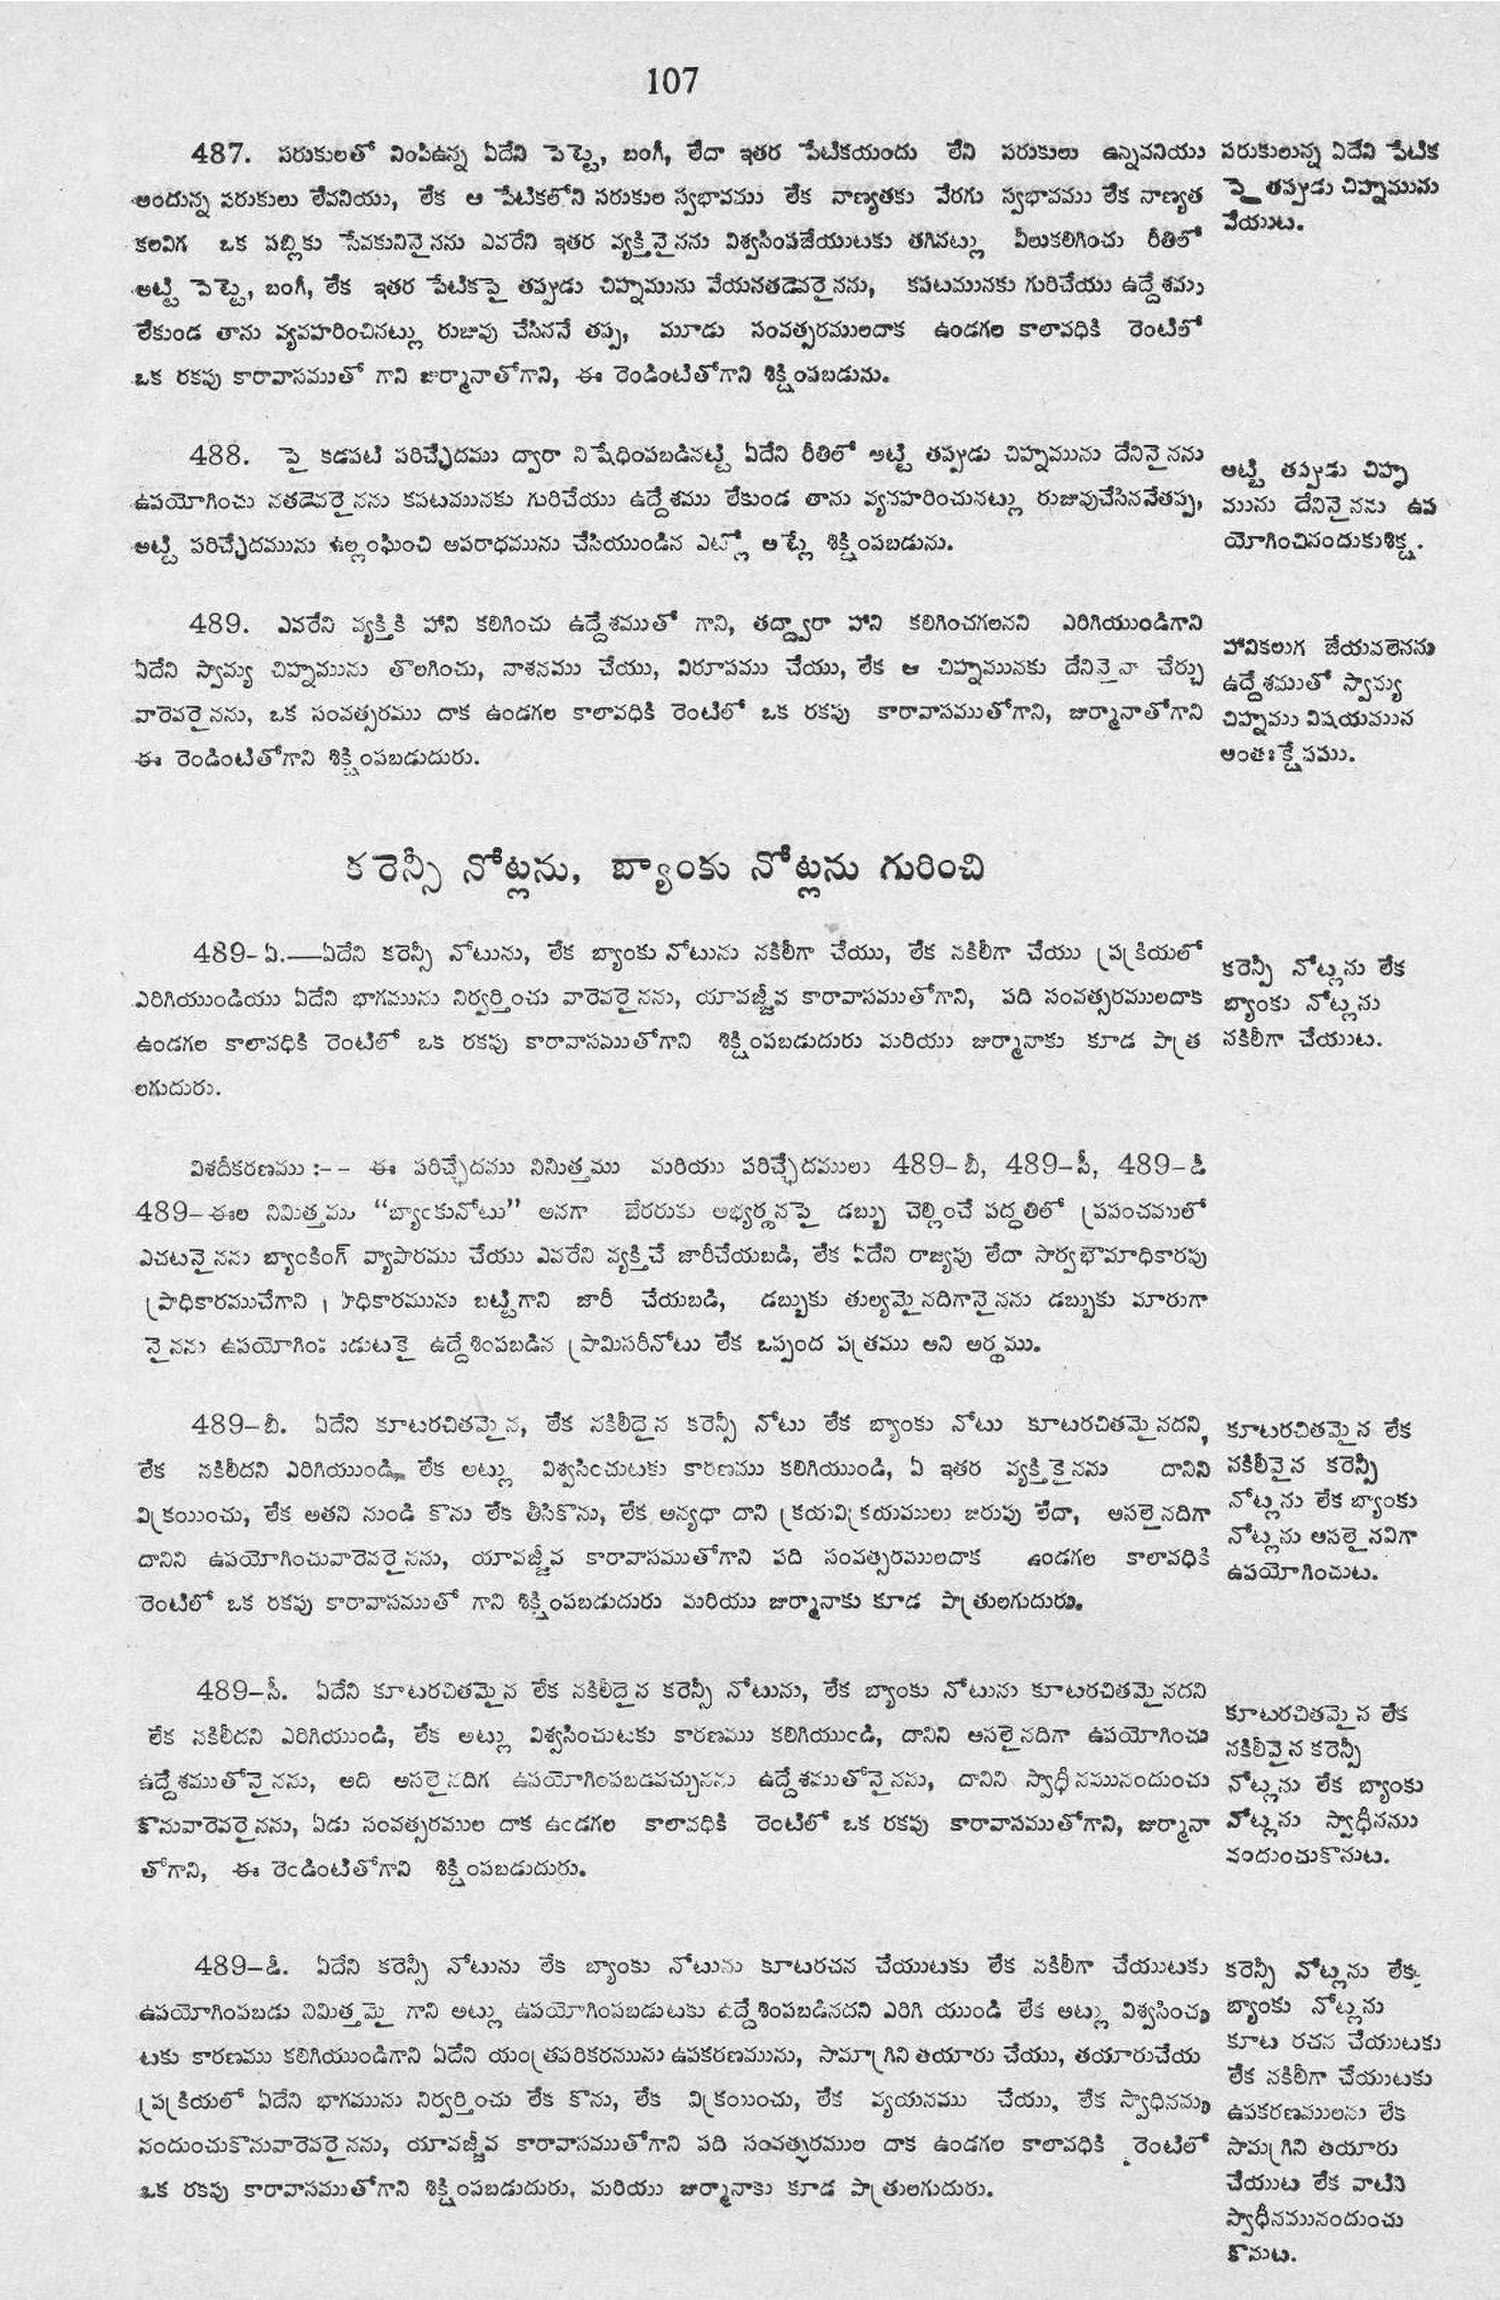సరుకులున్న ఏదేని పేటిక పై తప్పుడు చిహ్నమును వేయుట.

487. సరుకులతో నింపిఉన్న ఏదేని పెట్టె బంగీ, లేదా ఇతర పేటికయందు లేని సరుకులు ఉన్నవనియు అందున్న సరుకులు లేవనియు, లేక ఆ పేటికలోని సరుకుల స్వభావము లేక నాణ్యతకు వేరగు స్వభావము లేక నాణ్యత కలవిగ ఒక పబ్లికు సేవకునినై నను ఎవరేని ఇతర వ్యక్తి నై నను విశ్వసింపజేయుటకు తగినట్లు వీలుకలిగించు రీతిలో అట్టి పెట్టె, బంగీ, లేక ఇతర పేటిక పై తప్పుడు చిహ్నమును వేయనతడెవరైనను, కపటమునకు గురిచేయు ఉద్దేశము, లేకుండ తాను వ్యవహరించినట్లు రుజువు చేసిననే తప్ప, మూడు సంవత్సరములదాక ఉండగల కాలావధికి రెంటిలో ఒక రకపు కారావాసముతో గాని జుర్మానాతోగాని, ఈ రెండింటితోగాని శిక్షింపబడును.

అట్టి తప్పుడు చిహ్నమును దేనినై నను ఉపయోగించినందుకు శిక్ష

488. పై కడపటి పరిచ్ఛేదము ద్వారా నిషేధింపబడినట్టి ఏదేని రీతిలో అట్టి తప్పుడు చిహ్నమును దేనినై నను ఉపయోగించు నతడెవరైనను కపటమునకు గురిచేయు ఉద్దేశము లేకుండ తాను వ్యవహరించునట్లు రుజువు చేసిన నేతప్ప, అట్టి పరిచ్ఛేదమును ఉల్లంఘించి అపరాధమును చేసియుండిన ఎట్లో అట్లే శిక్షింపబడును.

హాని కలుగ జేయవలెనను ఉద్దేశముతో స్వామ్య చిహ్నము విషయమున అంతః క్షేపము.

489. ఎవరేని వ్యక్తికి హాని కలిగించు ఉద్దేశముతో గాని, తద్వారా హాని కలిగించగలనని ఎరిగియుండిగాని ఏదేని స్వామ్య చిహ్నమును తొలగించు, నాశనము చేయు, విరూపము చేయు, లేక ఆ చిహ్నమునకు దేనినైనా చేర్చు వారెవరై నను, ఒక సంవత్సరము దాక ఉండగల కాలావధికి రెంటిలో ఒక రకపు కారావాసముతోగాని, జుర్మానాతోగాని ఈ రెండింటితోగాని శిక్షింపబడుదురు.

కరెన్సీ నోట్లను లేక బ్యాంకు నోట్లను నకిలీగా చేయుట.

489- ఏ. – ఏదేని కరెన్సీ నోటును, లేక బ్యాంకు నోటును నకిలీగా చేయు, లేక నకిలీగా చేయు ప్రక్రియలో ఎరిగియుండియు ఏదేని భాగమును నిర్వర్తించు వారెవరైనను, యావజ్జీవ కారావాసముతో గాని, పది సంవత్సరములదాక ఉండగల కాలావధికి రెంటిలో ఒక రకపు కారావాసముతోగాని శిక్షింపబడుదురు మరియు జుర్మానాకు కూడ పాత్రులగుదురు.

విశదీకరణము :-- ఈ పరిచ్ఛేదము నిమిత్తము మరియు పరిచ్ఛేదములు 489- బీ, 489-సీ, 489-డీ 489- ఈల నిమిత్తము “బ్యాంకునోటు" అనగా బేరరుకు అభ్యర్ధన పై డబ్బు చెల్లించే పద్ధతిలో ప్రపంచములో ఎచటనై నను బ్యాంకింగ్ వ్యాపారము చేయు ఎవరేని వ్యక్తి చే జారీచేయబడి, లేక ఏదేని రాజ్యపు లేదా సార్వభౌమాధికారపు ప్రాధికారముచేగాని ఫ్రాధికారమును బట్టి గాని జారీ చేయబడి, డబ్బుకు తుల్యమై నదిగానై నను డబ్బుకు మారుగా నైనను ఉపయోగించబడుటకై ఉద్దేశింపబడిన ప్రామిసరీనోటు లేక ఒప్పంద పత్రము అని అర్థము.

కూటరచితమైన లేక నకిలీవైన కరెన్సీ నోట్లను లేక బ్యాంకు నోట్లను అసలై నవిగా ఉపయోగించుట.

489- బీ. ఏదేని కూటరచితమైన, లేక నకిలీదైన కరెన్సీ నోటు లేక బ్యాంకు నోటు కూటరచితమై నదని, లేక నకిలీదని ఎరిగియుండి, లేక అట్లు విశ్వసించుటకు కారణము కలిగియుండి, ఏ ఇతర వ్యక్తి కైనను దానిని విక్రయించు, లేక అతని నుండి కొను లేక తీసికొను, లేక అన్యధా దాని క్రయ విక్రయములు జరుపు లేదా, అసలై నదిగా దానిని ఉపయోగించువారెవరైనను, యావజ్జీవ కారావాసముతోగాని పది సంవత్సరములదాక ఉండగల కాలావధికి రెంటిలో ఒక రకపు కారావాసముతో గాని శిక్షింపబడుదురు మరియు జుర్మానాకు కూడ పాత్రులగుదురు.

కూటరచితమైన లేక నకిలీవైన కరెన్సీ నోట్లను లేక బ్యాంకు నోట్లను స్వాధీనము నందుంచుకొనుట.

489-సీ. ఏదేని కూటరచితమైన లేక నకిలీదైన కరెన్సీ నోటును, లేక బ్యాంకు నోటును కూటరచితమైనదని లేక నకిలీదని ఎరిగియుండి, లేక అట్లు విశ్వసించుటకు కారణము కలిగియుండి, దానిని అసలైనదిగా ఉపయోగించు ఉద్దేశముతో నై నసు, అది అసలైనదిగ ఉపయోగింపబడవచ్చునను ఉద్దేశముతోనై నను, దానిని స్వాధీనమునందుంచు కొనువారెవరైనను, ఏడు సంవత్సరముల దాక ఉండగల కాలావధికి రెంటిలో ఒక రకపు కారావాసముతోగాని, జుర్మానాతోగాని, ఈ రెండింటితోగాని శిక్షింపబడుదురు.

కరెన్సీ నోట్లను లేక బ్యాంకు నోట్లను కూట రచన చేయుటకు లేక నకిలీగా చేయుటకు ఉపకరణములను లేక సామగ్రిని తయారుచేయుట లేక వాటిని స్వాధీనమునందుంచు కొనుట.

489-డీ. ఏదేని కరెన్సీ నోటును లేక బ్యాంకు నోటును కూటరచన చేయుటకు లేక నకిలీగా చేయుటకు ఉపయోగింపబడు నిమిత్త మై గాని అట్లు ఉపయోగింపబడుటకు ఉద్దే శింపబడినదని ఎరిగి యుండి లేక అట్లు విశ్వసించుటకు కారణము కలిగియుండిగాని ఏదేని యంత్రపరికరమును ఉపకరణమును, సామాగ్రిని తయారు చేయు, తయారుచేయ ప్రక్రియలో ఏదేని భాగమును నిర్వర్తించు లేక కొను, లేక విక్రయించు, లేక వ్యయనము చేయు, లేక స్వాధినము నందుంచుకొనువారెవరైనను, యావజ్జీవ కారావాసముతోగాని పది సంవత్సరముల దాక ఉండగల కాలావధికి , రెంటిలో ఒక రకపు కారావాసముతోగాని శిక్షింపబడుదురు, మరియు జుర్మానాకు కూడ పాత్రులగుదురు.